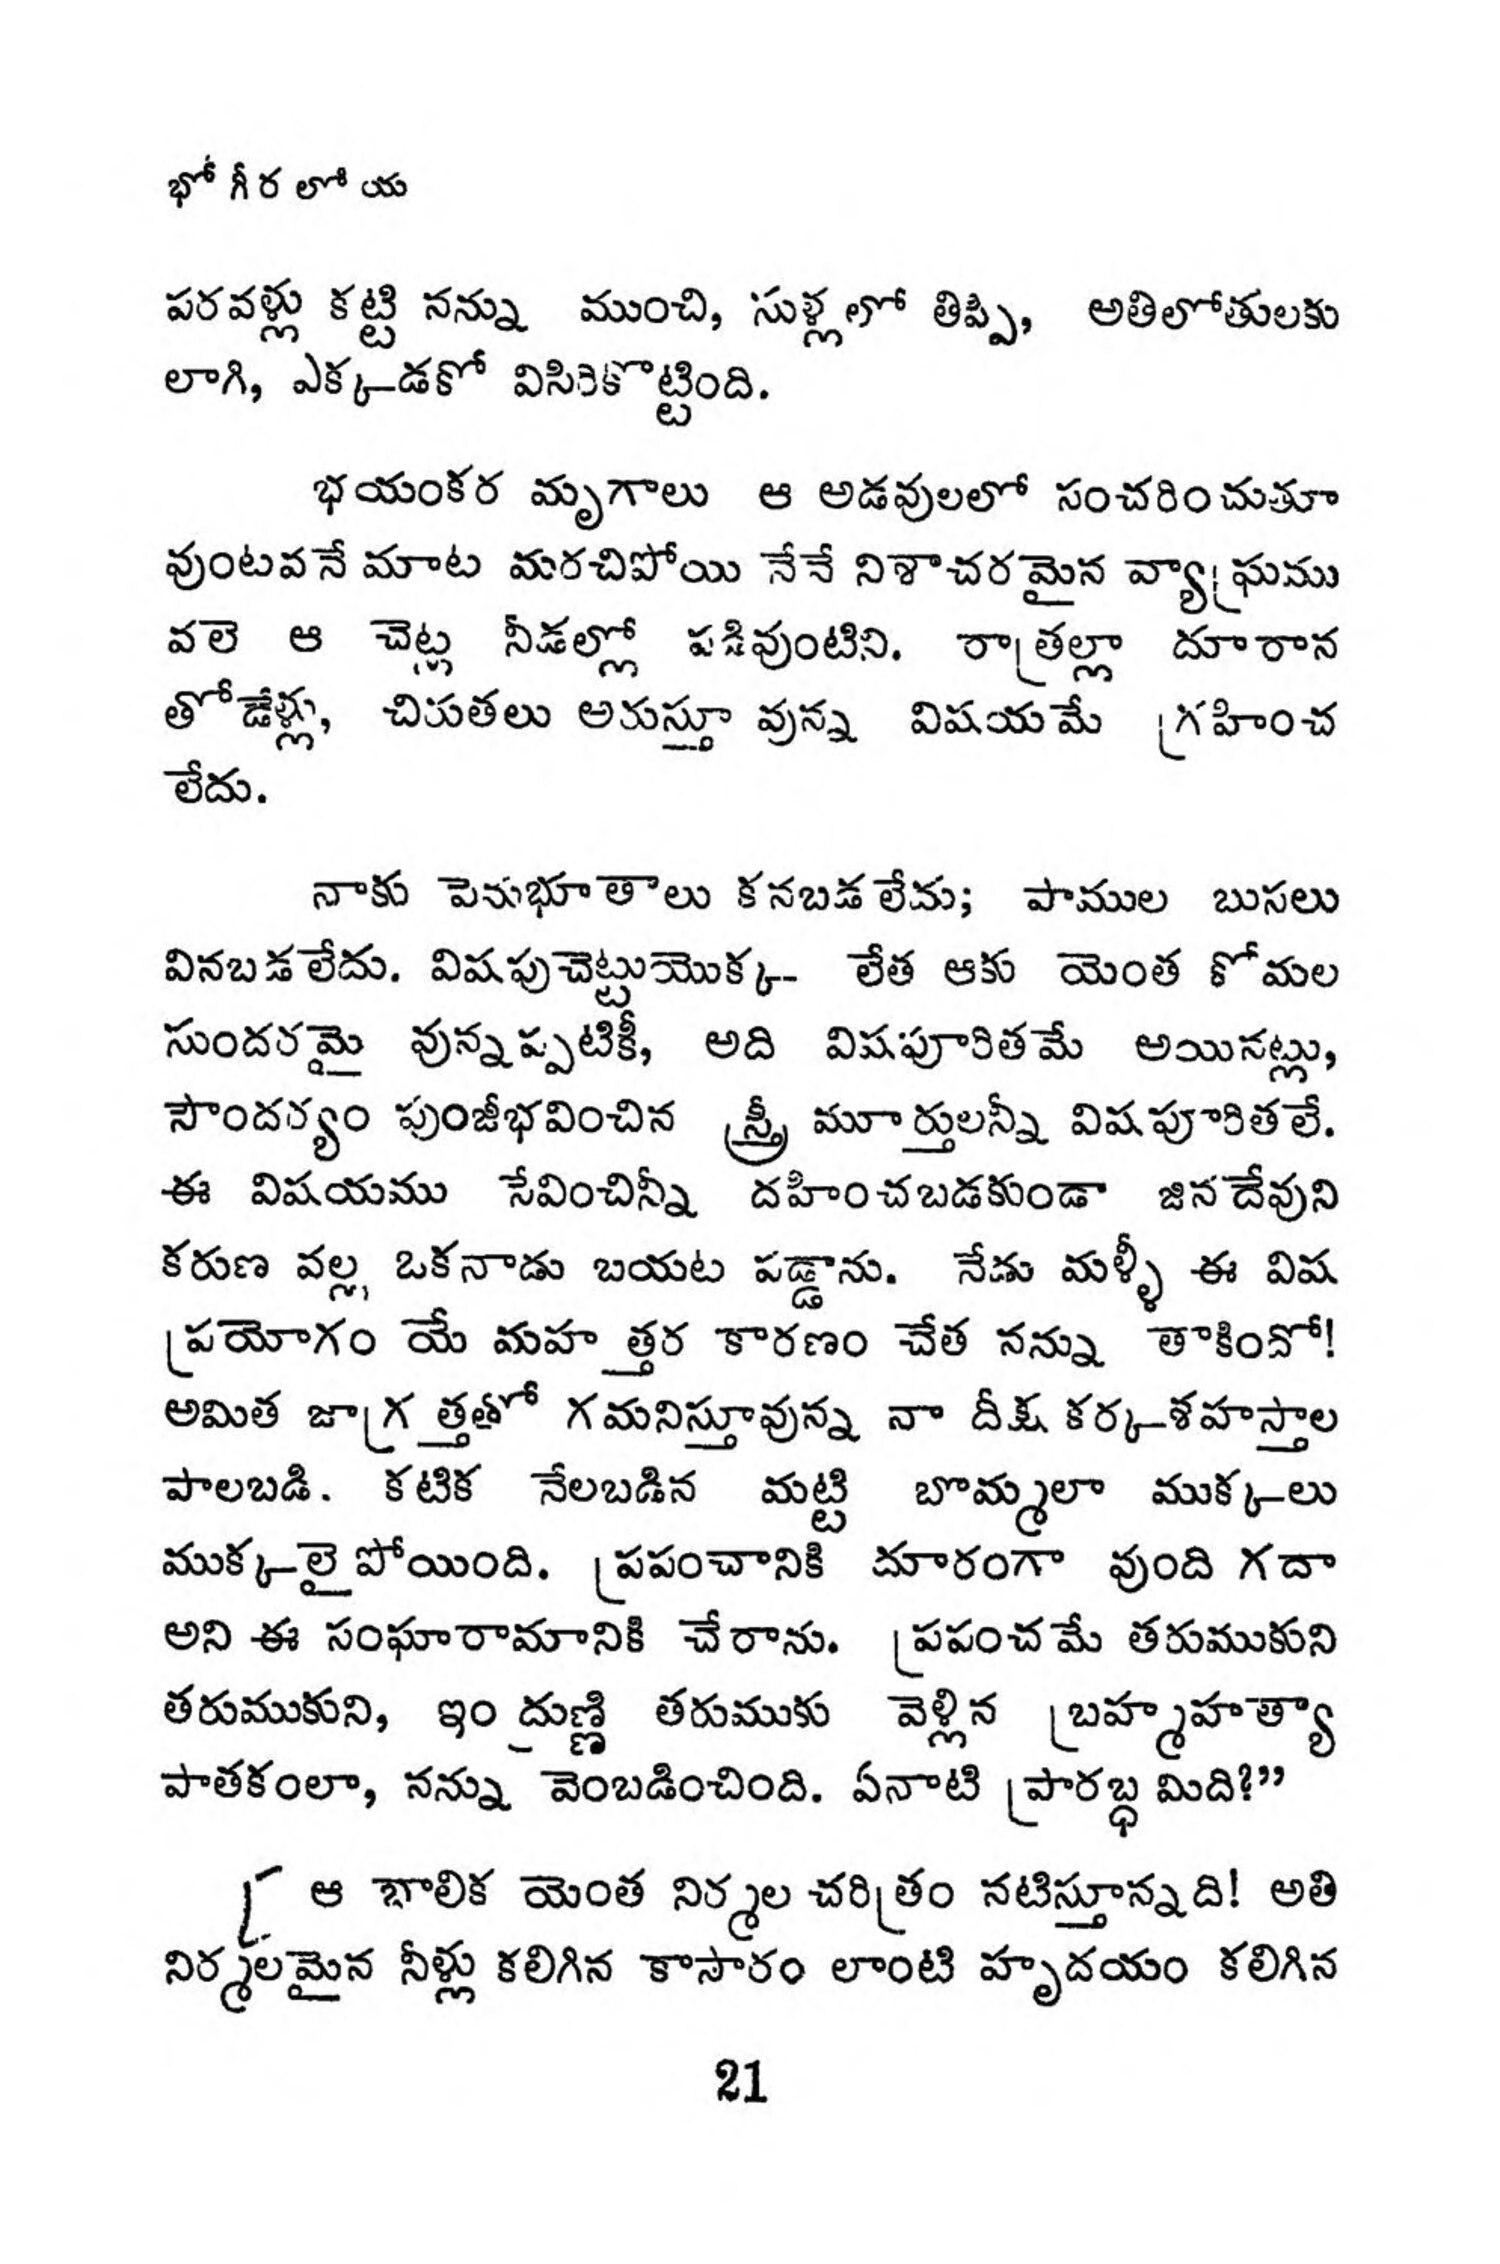పరవళ్లు కట్టి నన్ను ముంచి, సుళ్లలో తిప్పి, అతిలోతులకు లాగి, ఎక్కడకో విసిరికొట్టింది.

భయంకర మృగాలు ఆ అడవులలో సంచరించుతూ వుంటవనే మాట మరచిపోయి నేనే నిశాచరమైన వ్యాఘ్రము వలె ఆ చెట్ల నీడల్లో పడివుంటిని. రాత్రల్లా దూరాన తోడేళ్లు, చిరుతలు అరుస్తూ వున్న విషయమే గ్రహించ లేదు.

నాకు పెనుభూతాలు కనబడలేదు; పాముల బుసలు వినబడలేదు. విషపుచెట్టుయొక్క లేత ఆకు యెంత కోమల సుందరమై వున్నప్పటికీ, అది విషపూరితమే అయినట్లు, సౌందర్యం పుంజీభవించిన స్త్రీ మూర్తులన్నీ విషపూరితలే. ఈ విషయము సేవించిన్నీ దహించబడకుండా జినదేవుని కరుణ వల్ల ఒకనాడు బయట పడ్డాను. నేడు మళ్ళీ ఈ విష ప్రయోగం యే మహత్తర కారణం చేత నన్ను తాకిందో! అమిత జాగ్రత్తతో గమనిస్తూవున్న నా దీక్ష కర్కశహస్తాల పాలబడి, కటిక నేలబడిన మట్టి బొమ్మలా ముక్కలు ముక్కలైపోయింది. ప్రపంచానికి దూరంగా వుంది గదా అని ఈ సంఘారామానికి చేరాను. ప్రపంచమే తరుముకుని తరుముకుని, ఇంద్రుణ్ణి తరుముకు వెళ్లిన బ్రహ్మహత్యా పాతకంలా, నన్ను వెంబడించింది. ఏనాటి ప్రారబ్ధ మిది?”

ఆ బాలిక యెంత నిర్మల చరిత్రం నటిస్తూన్నది! అతి నిర్మలమైన నీళ్లు కలిగిన కాసారం లాంటి హృదయం కలిగిన